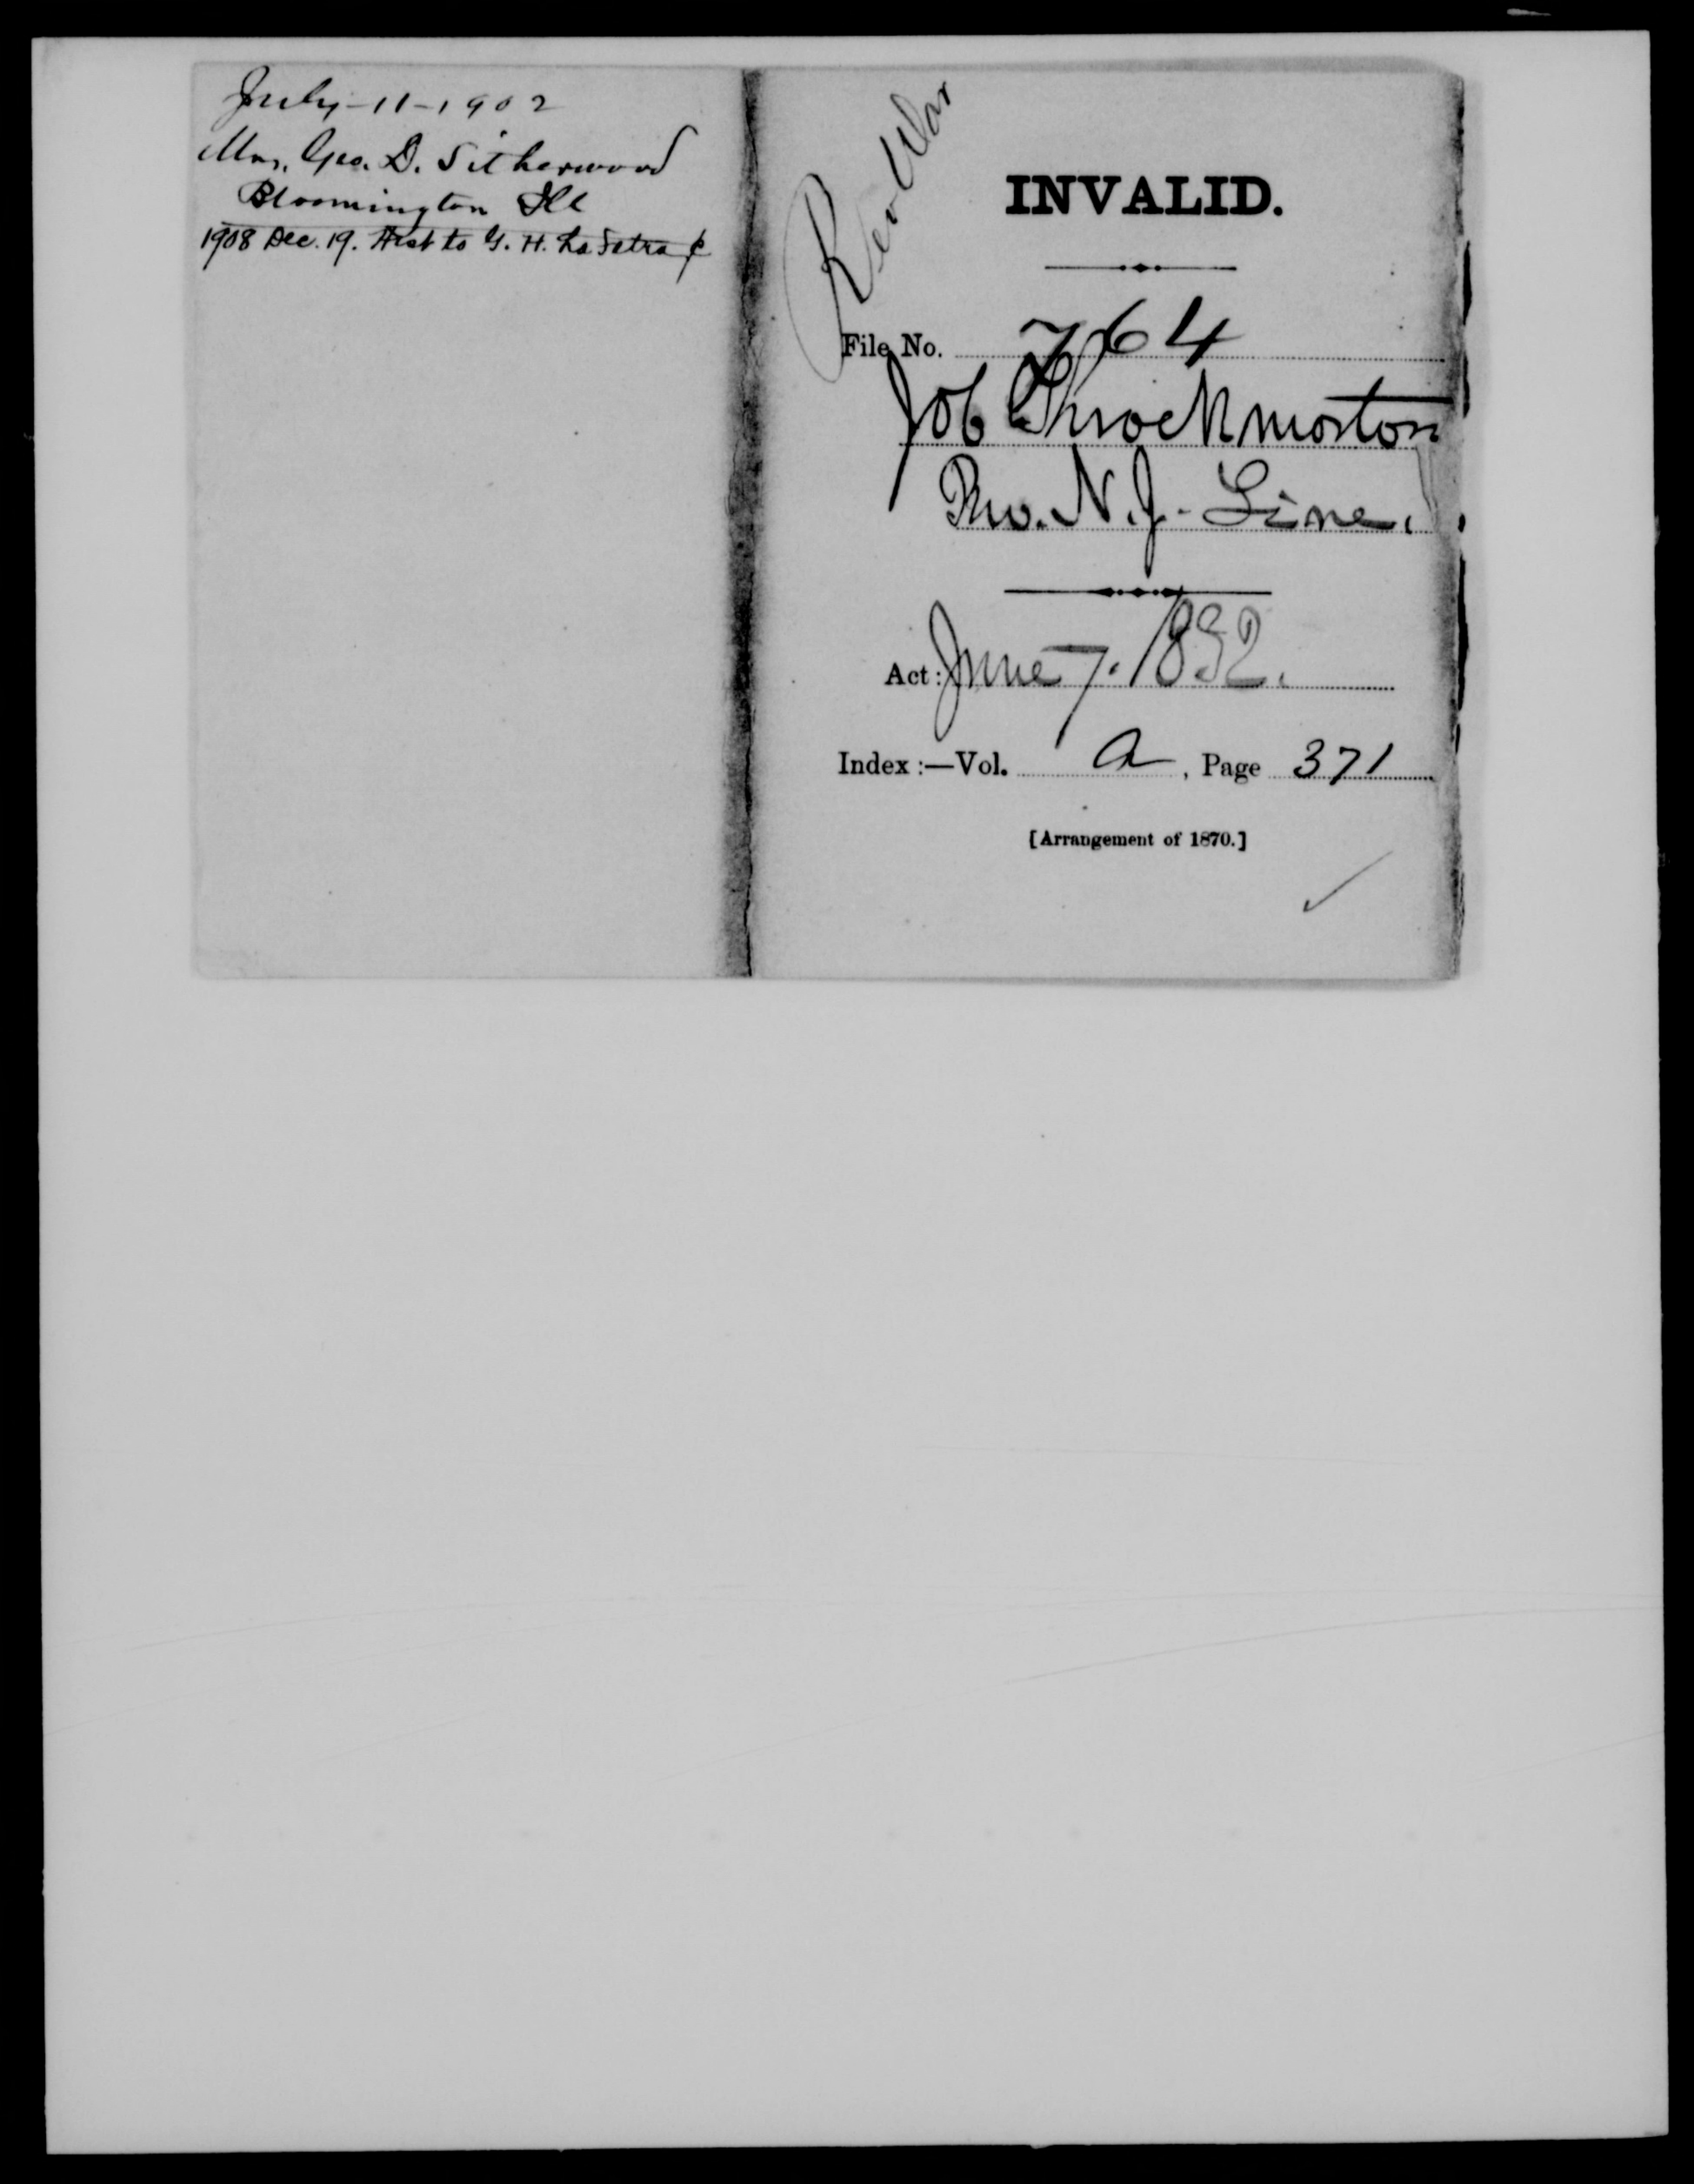July -11-1902
Mrs Geo. D Sitherwood Bloomington, Illinois 1908 Dec 19. Hist to G.H. LoFetra
Rev War
Invalid.
File No. 764 Job Throckmorton Priv. N.J. Line
Act: June 7. 1832.
Index:-Vol. A, Page 371
Arrangement of 1870.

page: 7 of 14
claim: survivor's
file: S. 764, for Job Throckmorton, New Jersey